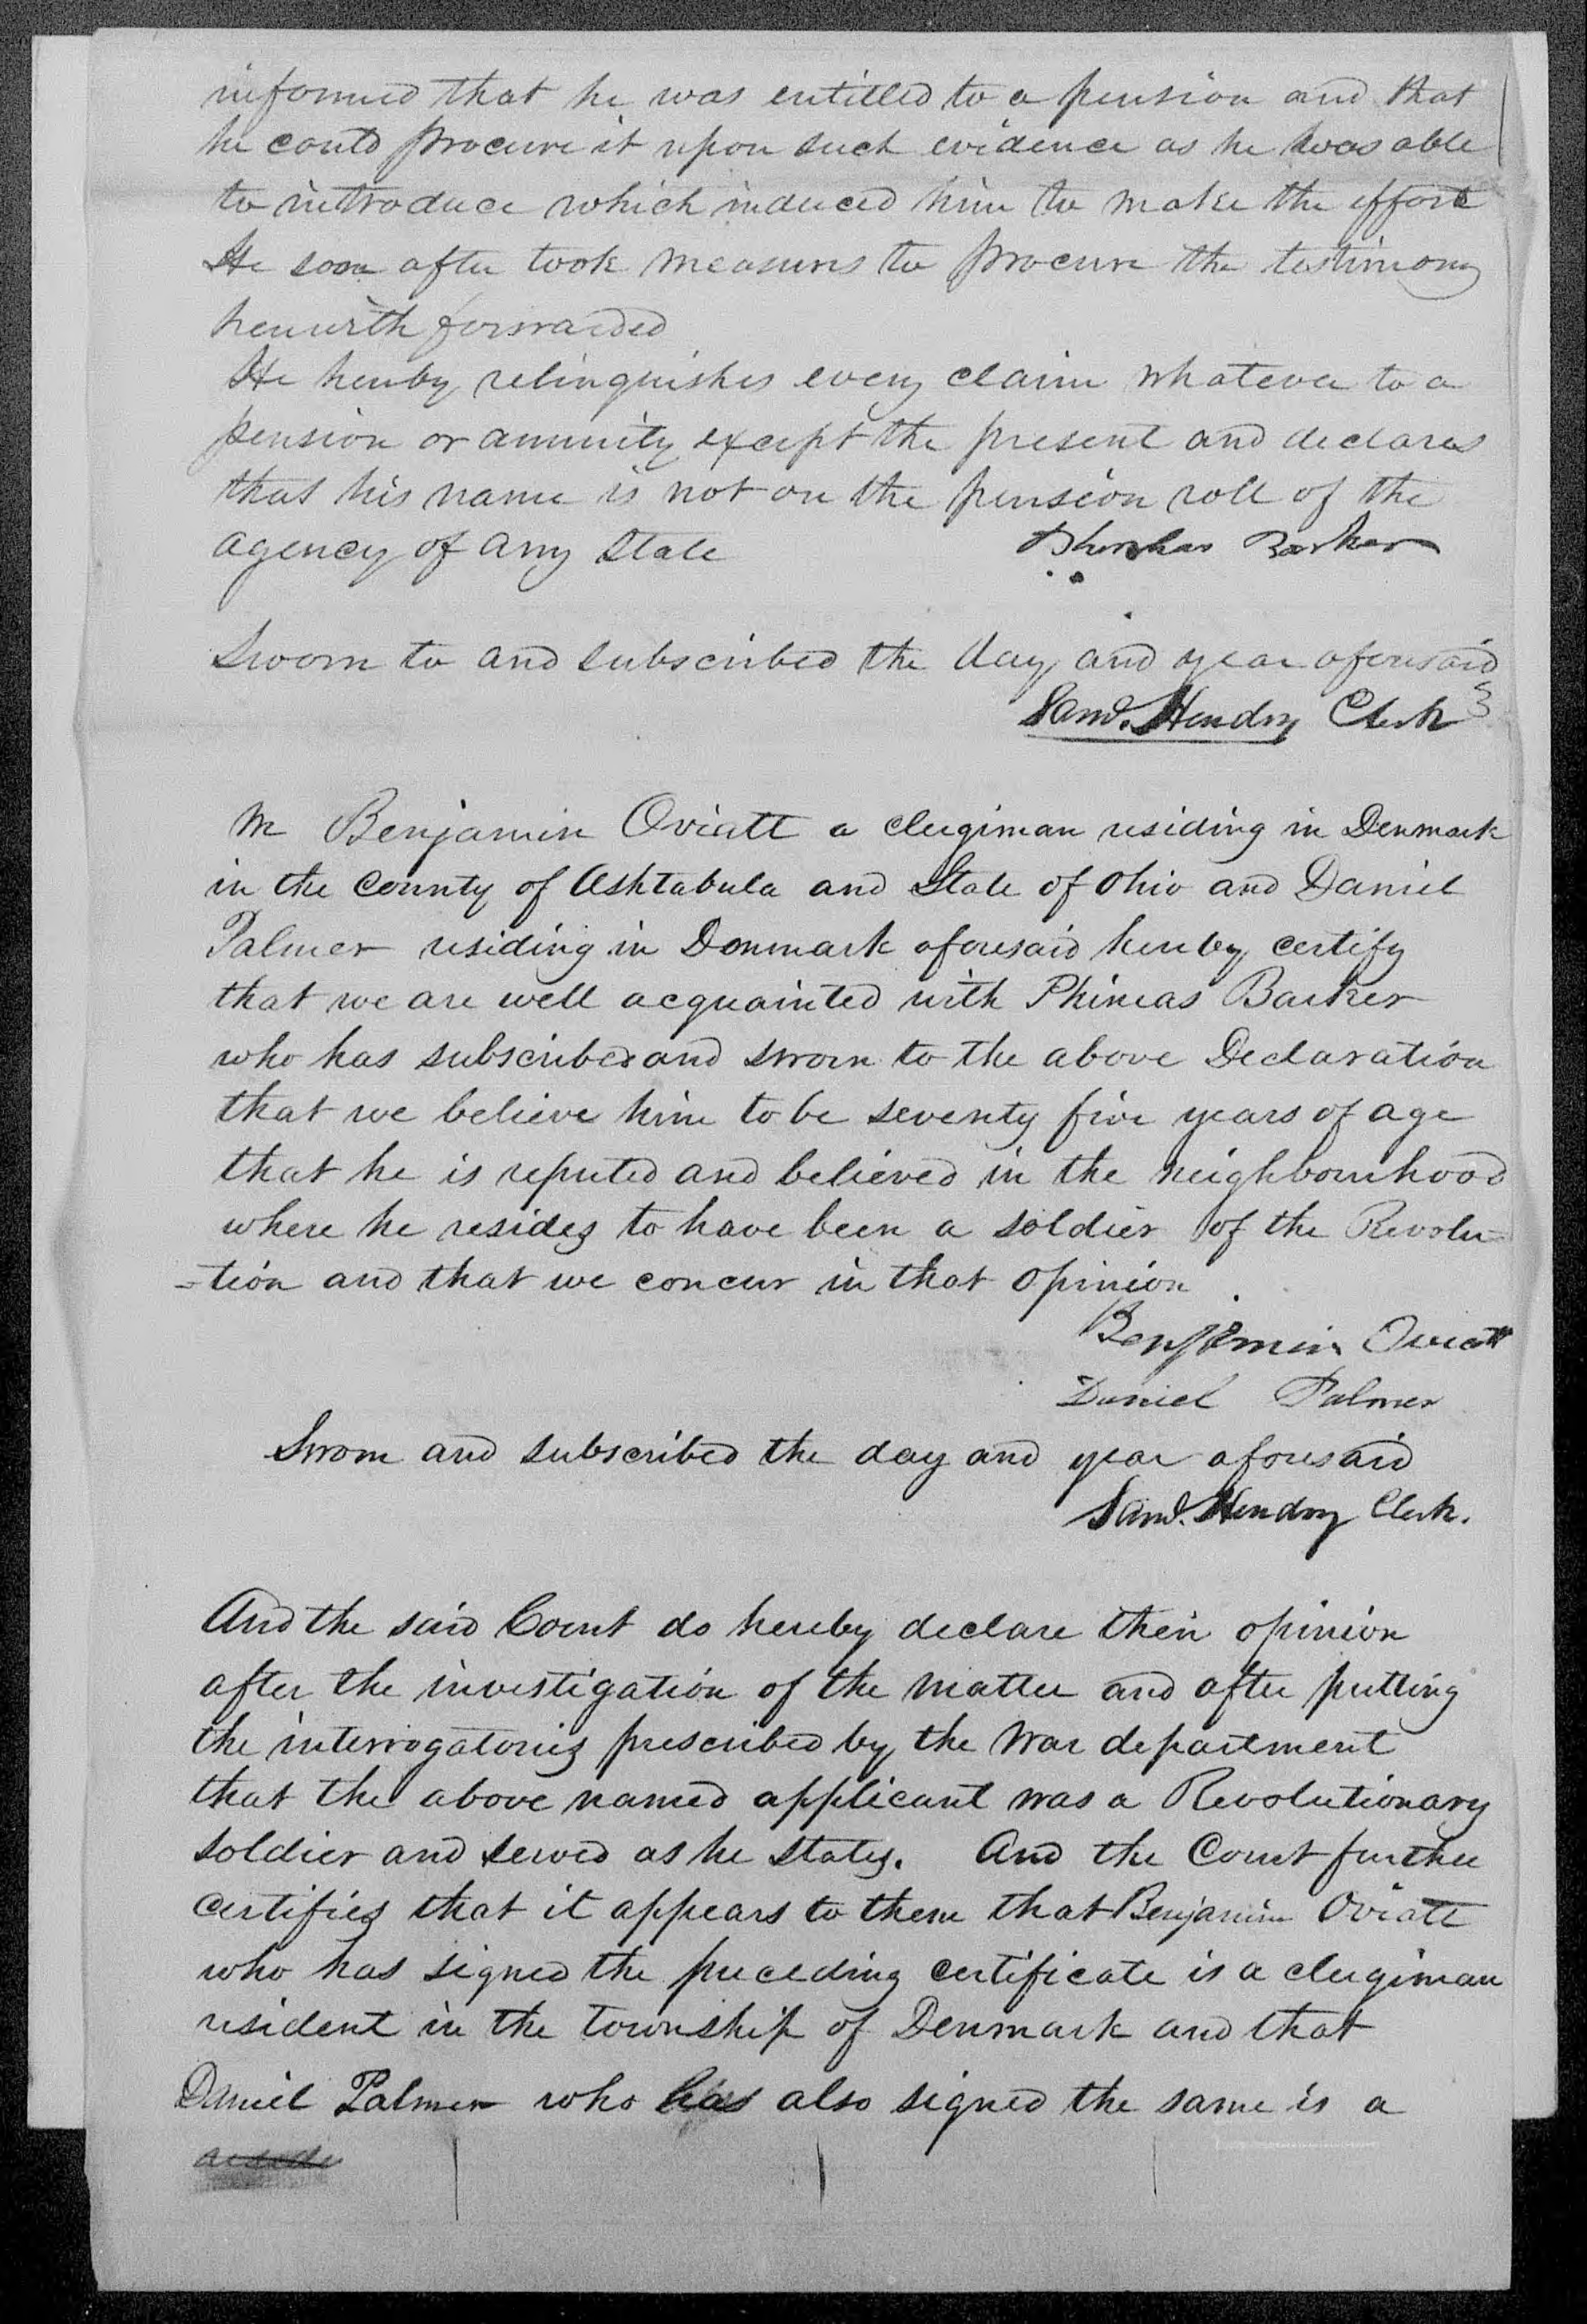informed that he was entitled to a pension and that he could procure it upon such evidence as he was able to introduce which induced him to make the effort.   He soon after took measures to procure the testimony herewith forwarded.   
He hereby relinquishes every claim whatever to a pension or annuity except the present and declares that his name is not on the pension roll of the agency of any State.   Phineas Barker
Sworn to and subscribed the day and year aforesaid 
Saml Hendry Clerk 
We Benjamin Oviatt a clergiman residing in Denmark in the County of Ashtabula and State of Ohio and Daniel Palmer residing in Denmark aforesaid hereby certify that we are well acquainted with Phineas Barker who has subscribed and sworn to the above declaration that we believe him to be seventy five years of age that he is reputed and believed in the neighbourhood where he resides to have been a soldier of the Revolution and that we concur in that opinion.  
Benjamin Oviatt  
Daniel Palmer 
Sworn and subscribed the day and year aforesaid 
Saml Hendry Clerk 
And the said Court do hereby declare their opinion after the investigation of the matter and after putting the interrogatories prescribed by the war department that the above named applicant was a Revolutionary Soldier and served as he states. And the Court further certifies that it appears to them that Benjamin Oviatt who has signed the preceding certificate is a clergiman resident in the township of Denmark and that Daniel Palmer who has also signed the same is a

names: Saml Hendry, Daniel Palmer, Benjamin Oviatt, Daniel Palmer, Phineas Barker, Saml Hendry, Phinhas Barker, Benjamin Oviatt, Benjamin Oviatt, Daniel Palmer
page: 7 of 35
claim: rejected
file: R. 501, Phineas Barker, Conn. Privateer